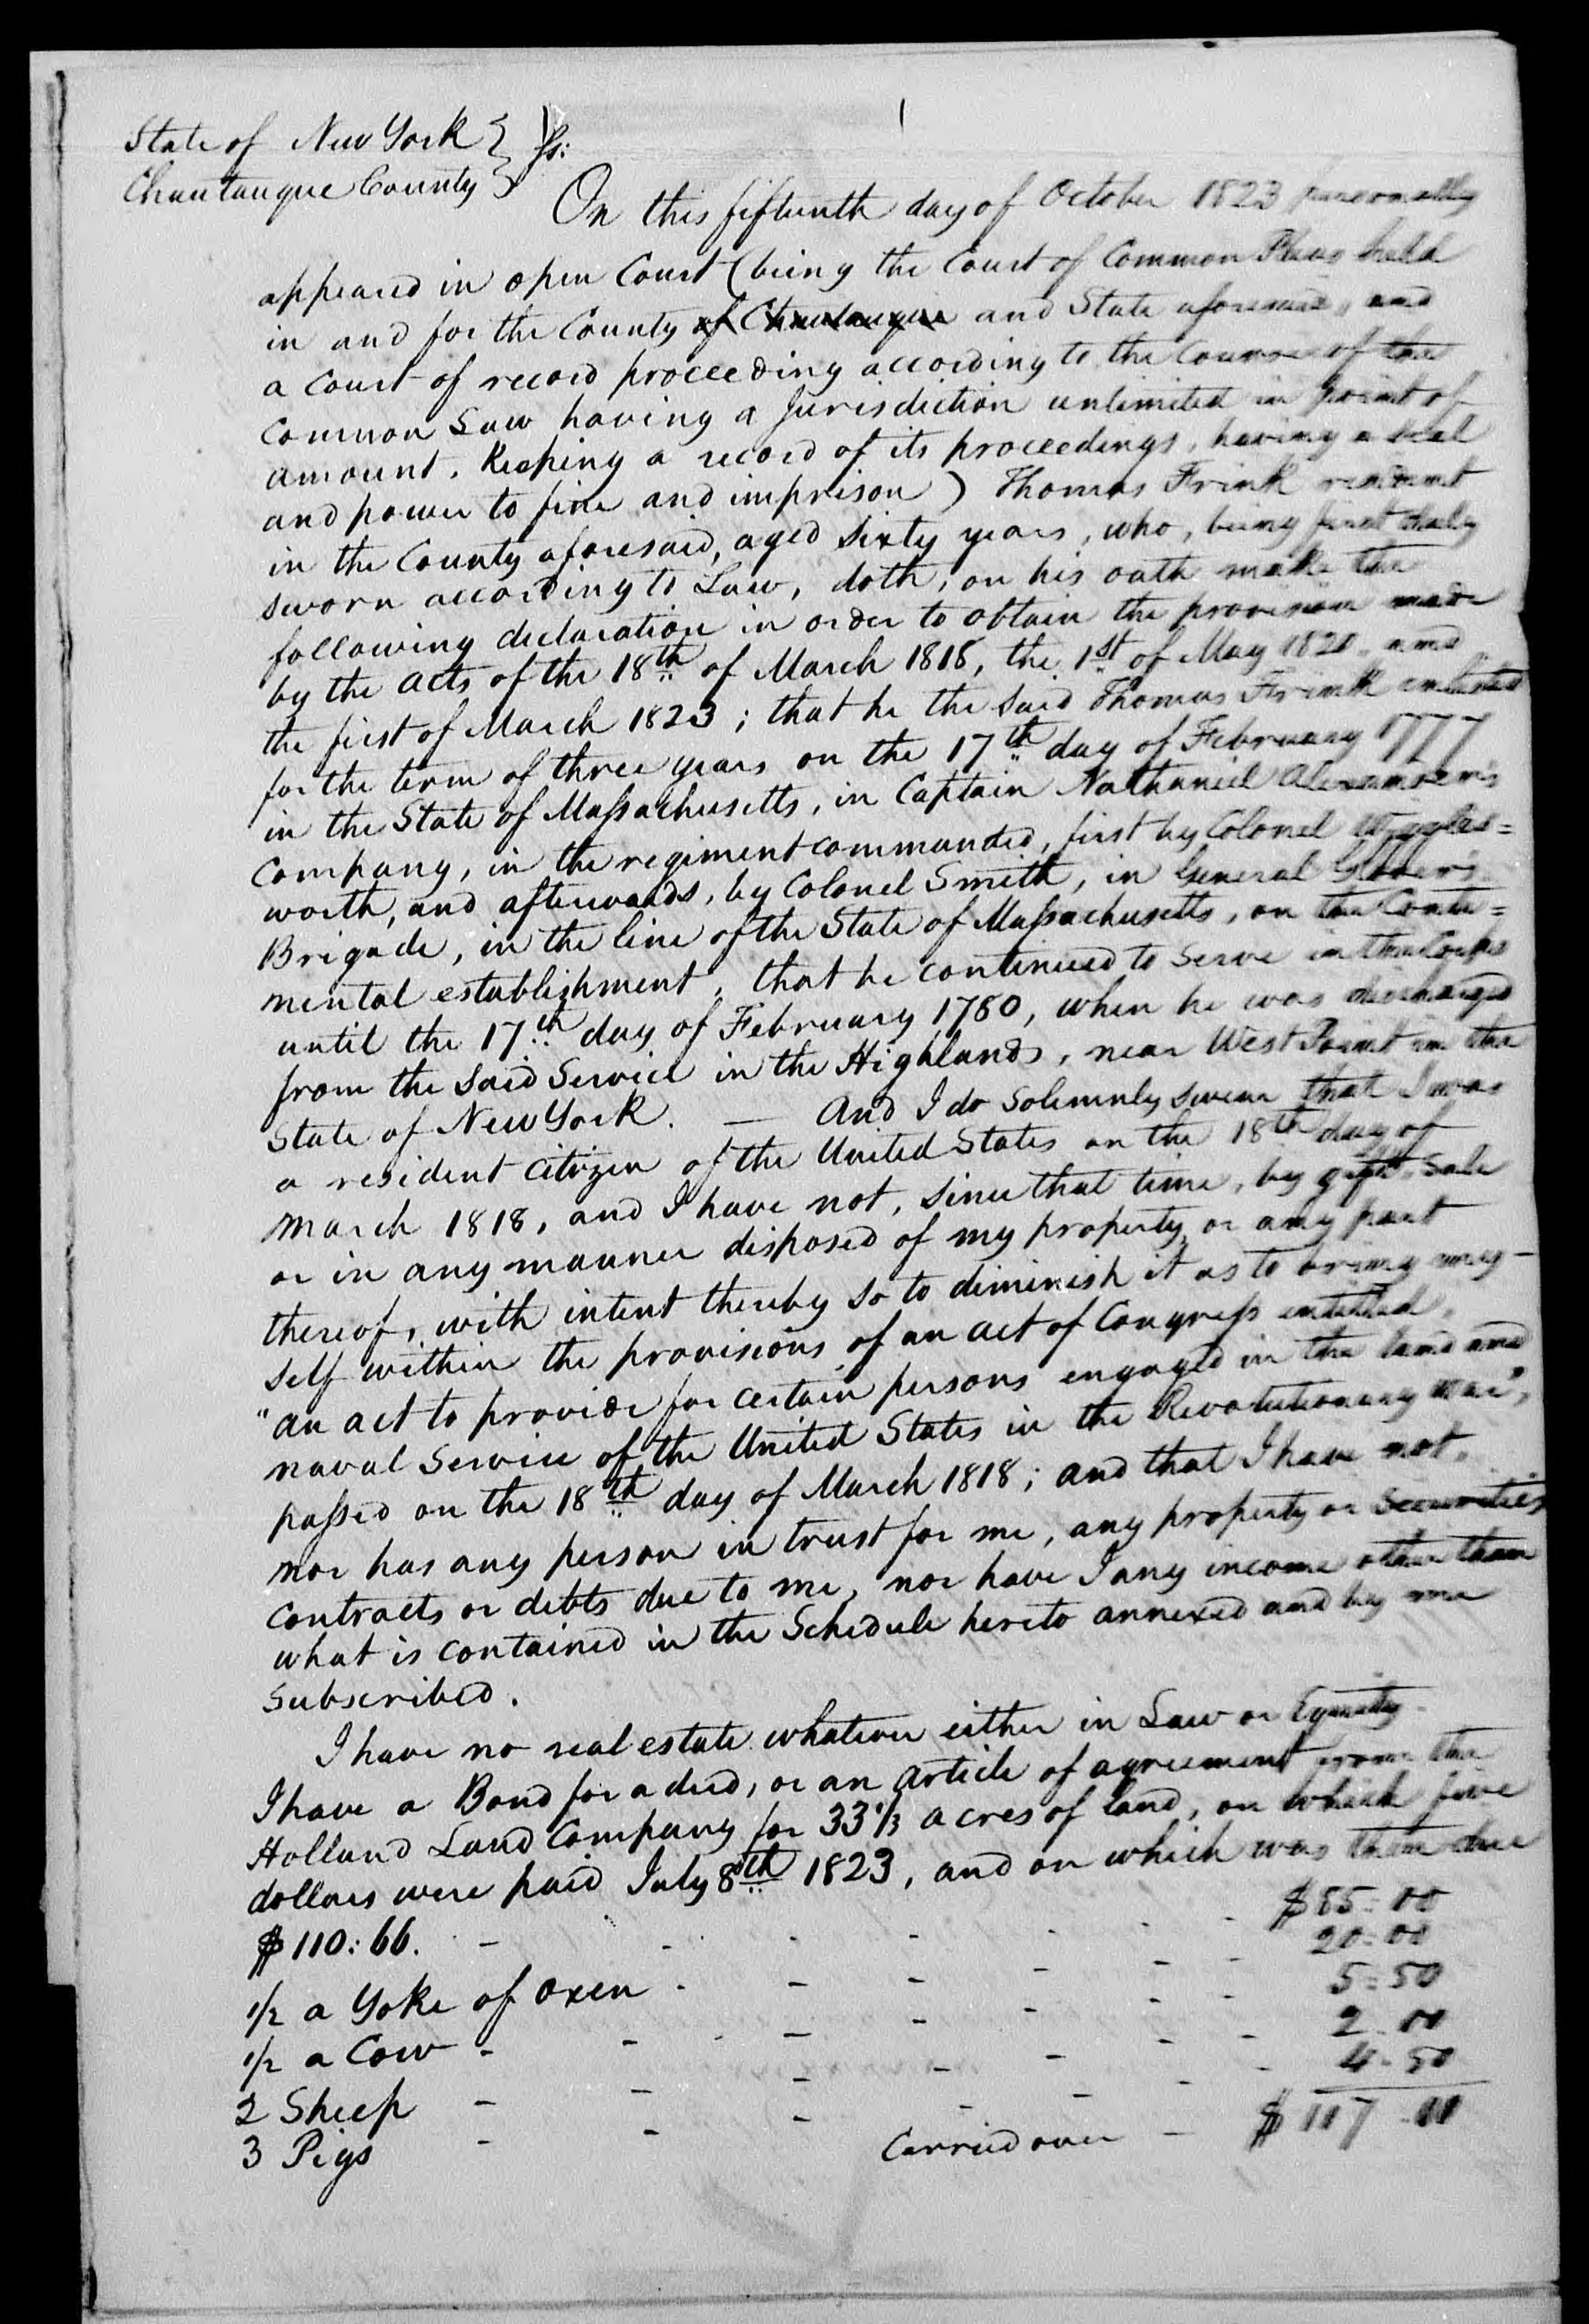State of New York
Chautauqua County
       On the fifteenth day of October 1823 personally appeared in open court (being the Court of Common Pleas held in and for the county and State aforesaid, and a Court of Record proceeding according to the (?) of the Common Law having a jurisdiction unlimited in point of amount.  Keeping a record of proceedings, having a seal and power to fine and imprison) Thomas Frink resident of the county aforesaid, aged sixty years, who, being first duly sworn according to Law, doth, on his oath make the following declaration in order to obtain the provision made by the acts of the 18th of March 1815, the 1st of May 1820, and the first of March 1823; that he the said Thomas Frink enlisted for the term of three years on the 17th day of February 1777 in the State of Massachusetts, in Captain Nathaniel Alexanders company, in the regiment commanded, first by Colonel Wigglesworth, and afterwards by Colonel Smith, in General (?) Brigade, in the line of the State of Massachusetts, on the Continental establishment, that he continued to serve in the Corps until the 17th day of February 1780, when he was discharged from the said service in the Highlands, near West Point in the State of New York. - And do solemnly swear tthat I was a resident citizen of the United States on the 18th day of March 1818, and I have not, since that time, by gift, sale or in any manner disposed of my property or any part thereof, wiht intent thereby so to diminish it as to bring myself within the provisions of an act of Congress entitled, "An act to provide for certain persons engaged in the land and naval services of the United States in the Revolutionary War" passed on the 18th day of March 1818; and that I have not, nor has any person in trust for me, any property or securities contracts or debts due to me, nor have I any income other than what is contained in the Schedule hereto annexed and by me subscribed.
     I have no real estate whatever either in Law or Equity.  I have a Bond for a deed, or an article of agreement from the Holland Land Company for 33 1/3 acres of land, on which five dollars were paid July 8th 1823, and on which was then due $110.66 ............$85.00
1/2 a yoke of oxen.................................. 20.00
1/2 a cow.......................................................5.50
2 sheep...........................................................2.00
3 pigs...............................................................4.50
                          Carried over ..........$117.00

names: Smith, Thomas Frink, Thomas Frink, Wigglesworth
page: 5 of 33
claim: survivor's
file: S 43571, Thomas Frink, Mass.